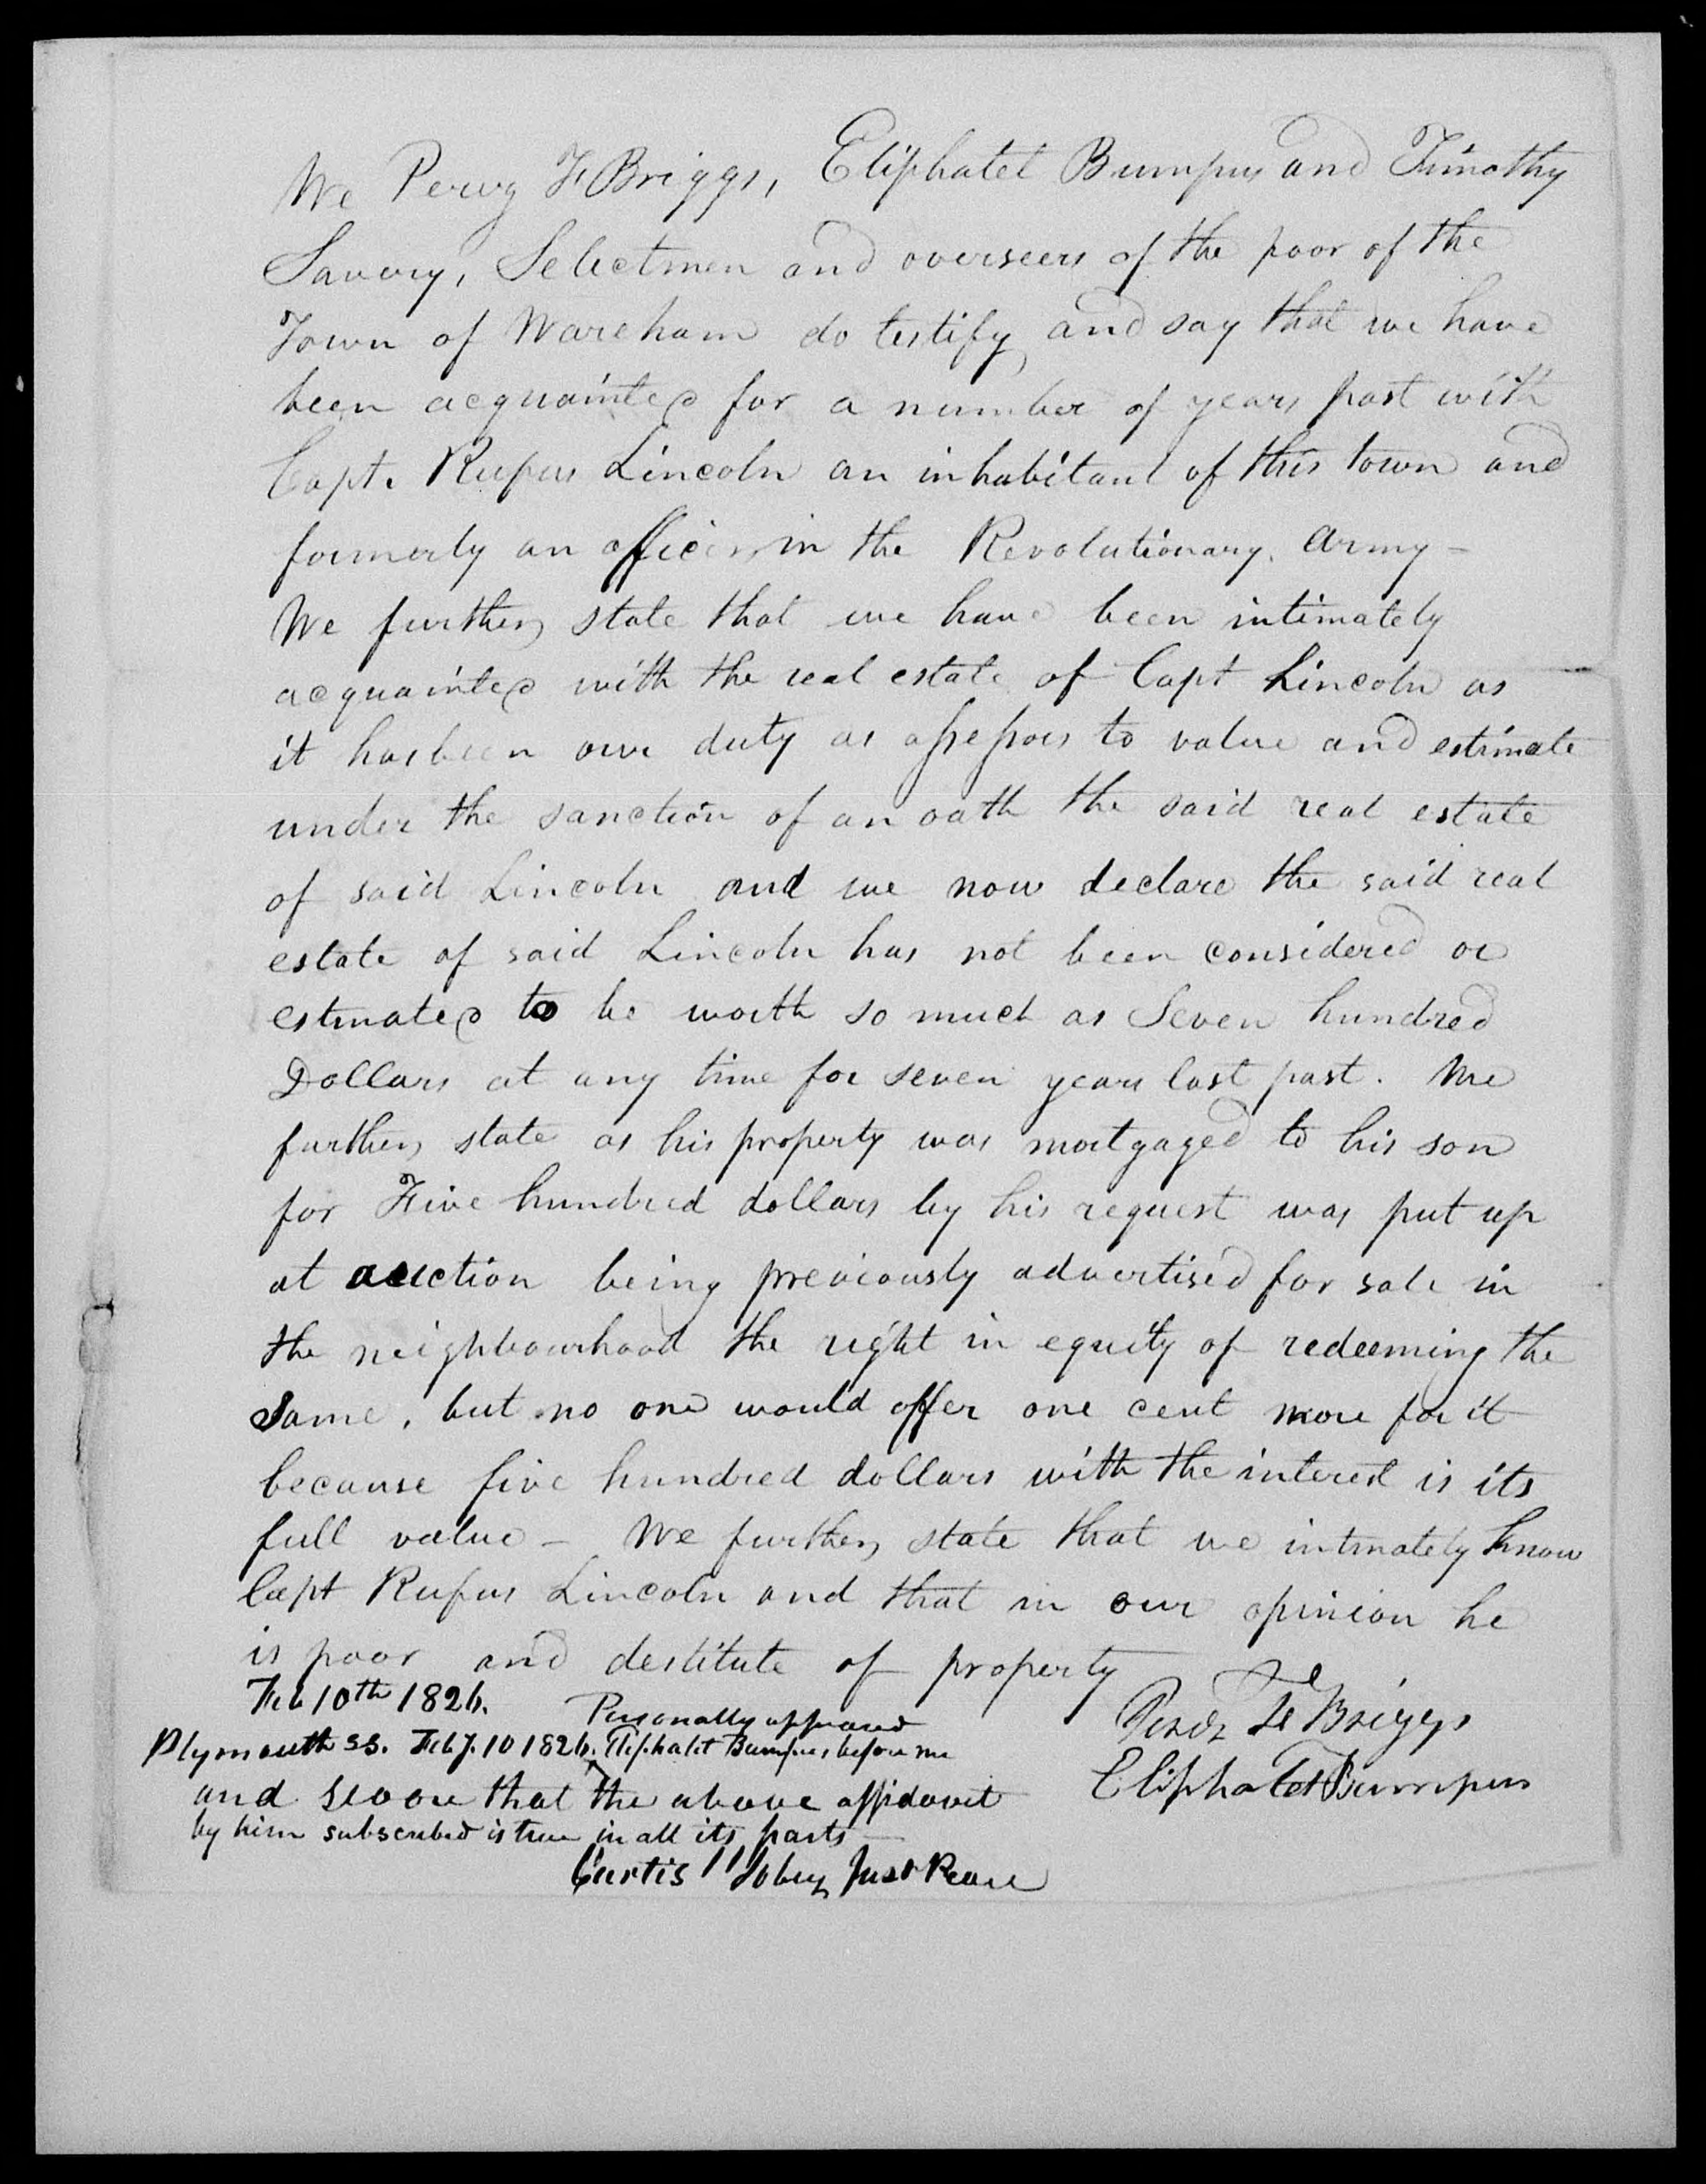We Perez F Briggs, Eliphalet Bumpus and Timothy Savary, Selectmen and overseers of the poor of the Town of Wareham do testify and say that we have been acquainted for a number of years past with Capt. Rufus Lincoln an inhabitant of this town and formerly an officer in the Revolutionary Army-
We further state that we have been intimately
acquainted with the real estate of Capt Lincoln as it has been our duty as assessors to value and estimate under the sanction of an oath the said real estate of said Lincoln and we now declare the said real estate of said Lincoln has not been considered or estimated to be worth so much as Seven hundred Dollars at any time for seven years last past. We further state as his property was mortgaged to his son for Five hundred dollars by his request was put up
at auction being previously advertised for sale in the neighbourhood the right in equity of redeeming the same, but no one would offer one cent more for it because five hundred dollars with the interest is its full value-- We further state that we intimately know Capt Rufus Lincoln and that in our opinion he is poor and destitute of property-
Feb 10th 1826.
Perez F. Briggs, Eliphalet Bumpus, Timothy Savary

 Plymouth Ss. Feby 10 1826
Perez F. Briggs, Eliphalet Bumpus, Timothy Savary   Personally appeared before me and
swore that the above affidavit by him subscribed is true in all its parts-
Curtis Tobey  Just Peace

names: Curtis Tobey; Eliphalet Bumpus; Perez F Briggs; Rufus Lincoln; Timothy Savary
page: 31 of 82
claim: widow's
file: W. 13,634, for Rufus Lincoln, Massachusetts